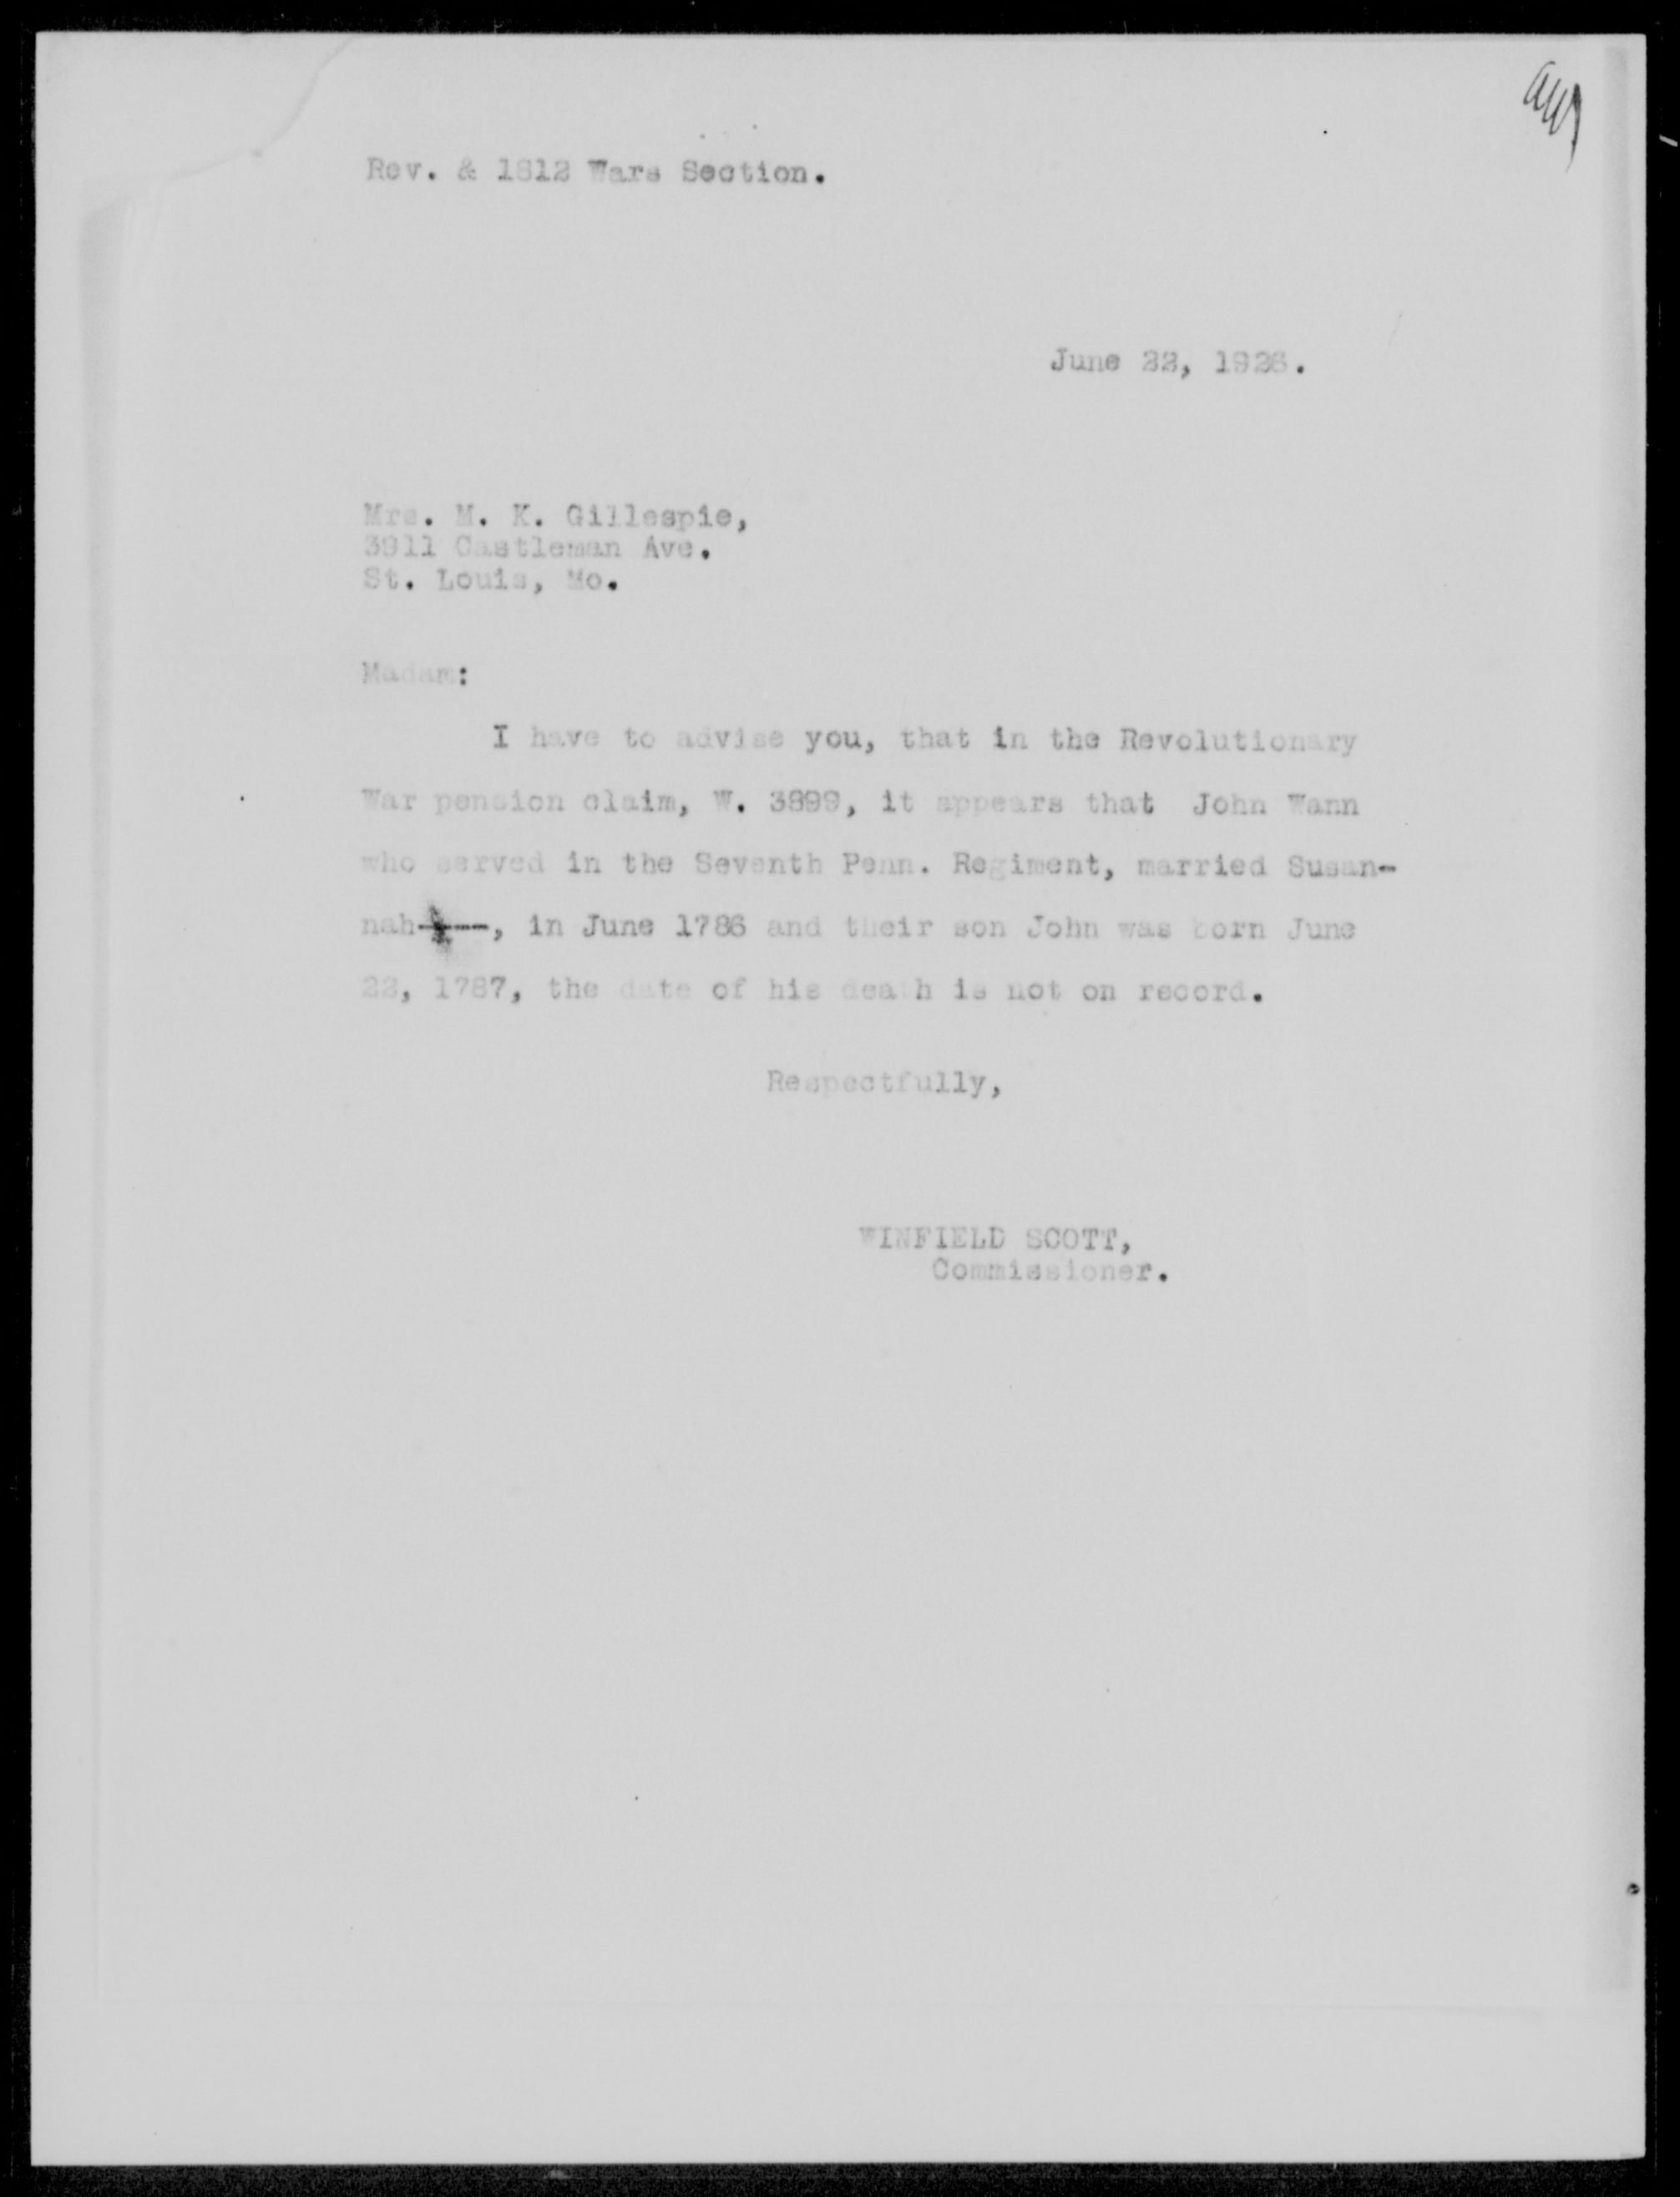Rev. & 1812 Wars Section.
AW
June 22, 1926.
Mrs. M.K Gillespie
3911 Castleman Ave.
St. Louis, MO.
Madam:
I have to advise you, that in the Revolutionary War pension claim, W. 3999, it appears that John Wann who served in the Seventh Penn. Regiment, married Susannah ----, in June 1786 and their son John was born June 22,  1787, the date of his death is not on record.
Respectully,
Winfield Scott, 
Commissioner.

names: John, Winfield Scott, M K Gillespie, John Wann, Susannah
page: 38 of 38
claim: widow's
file: W. 3899, John Wann, Penn.